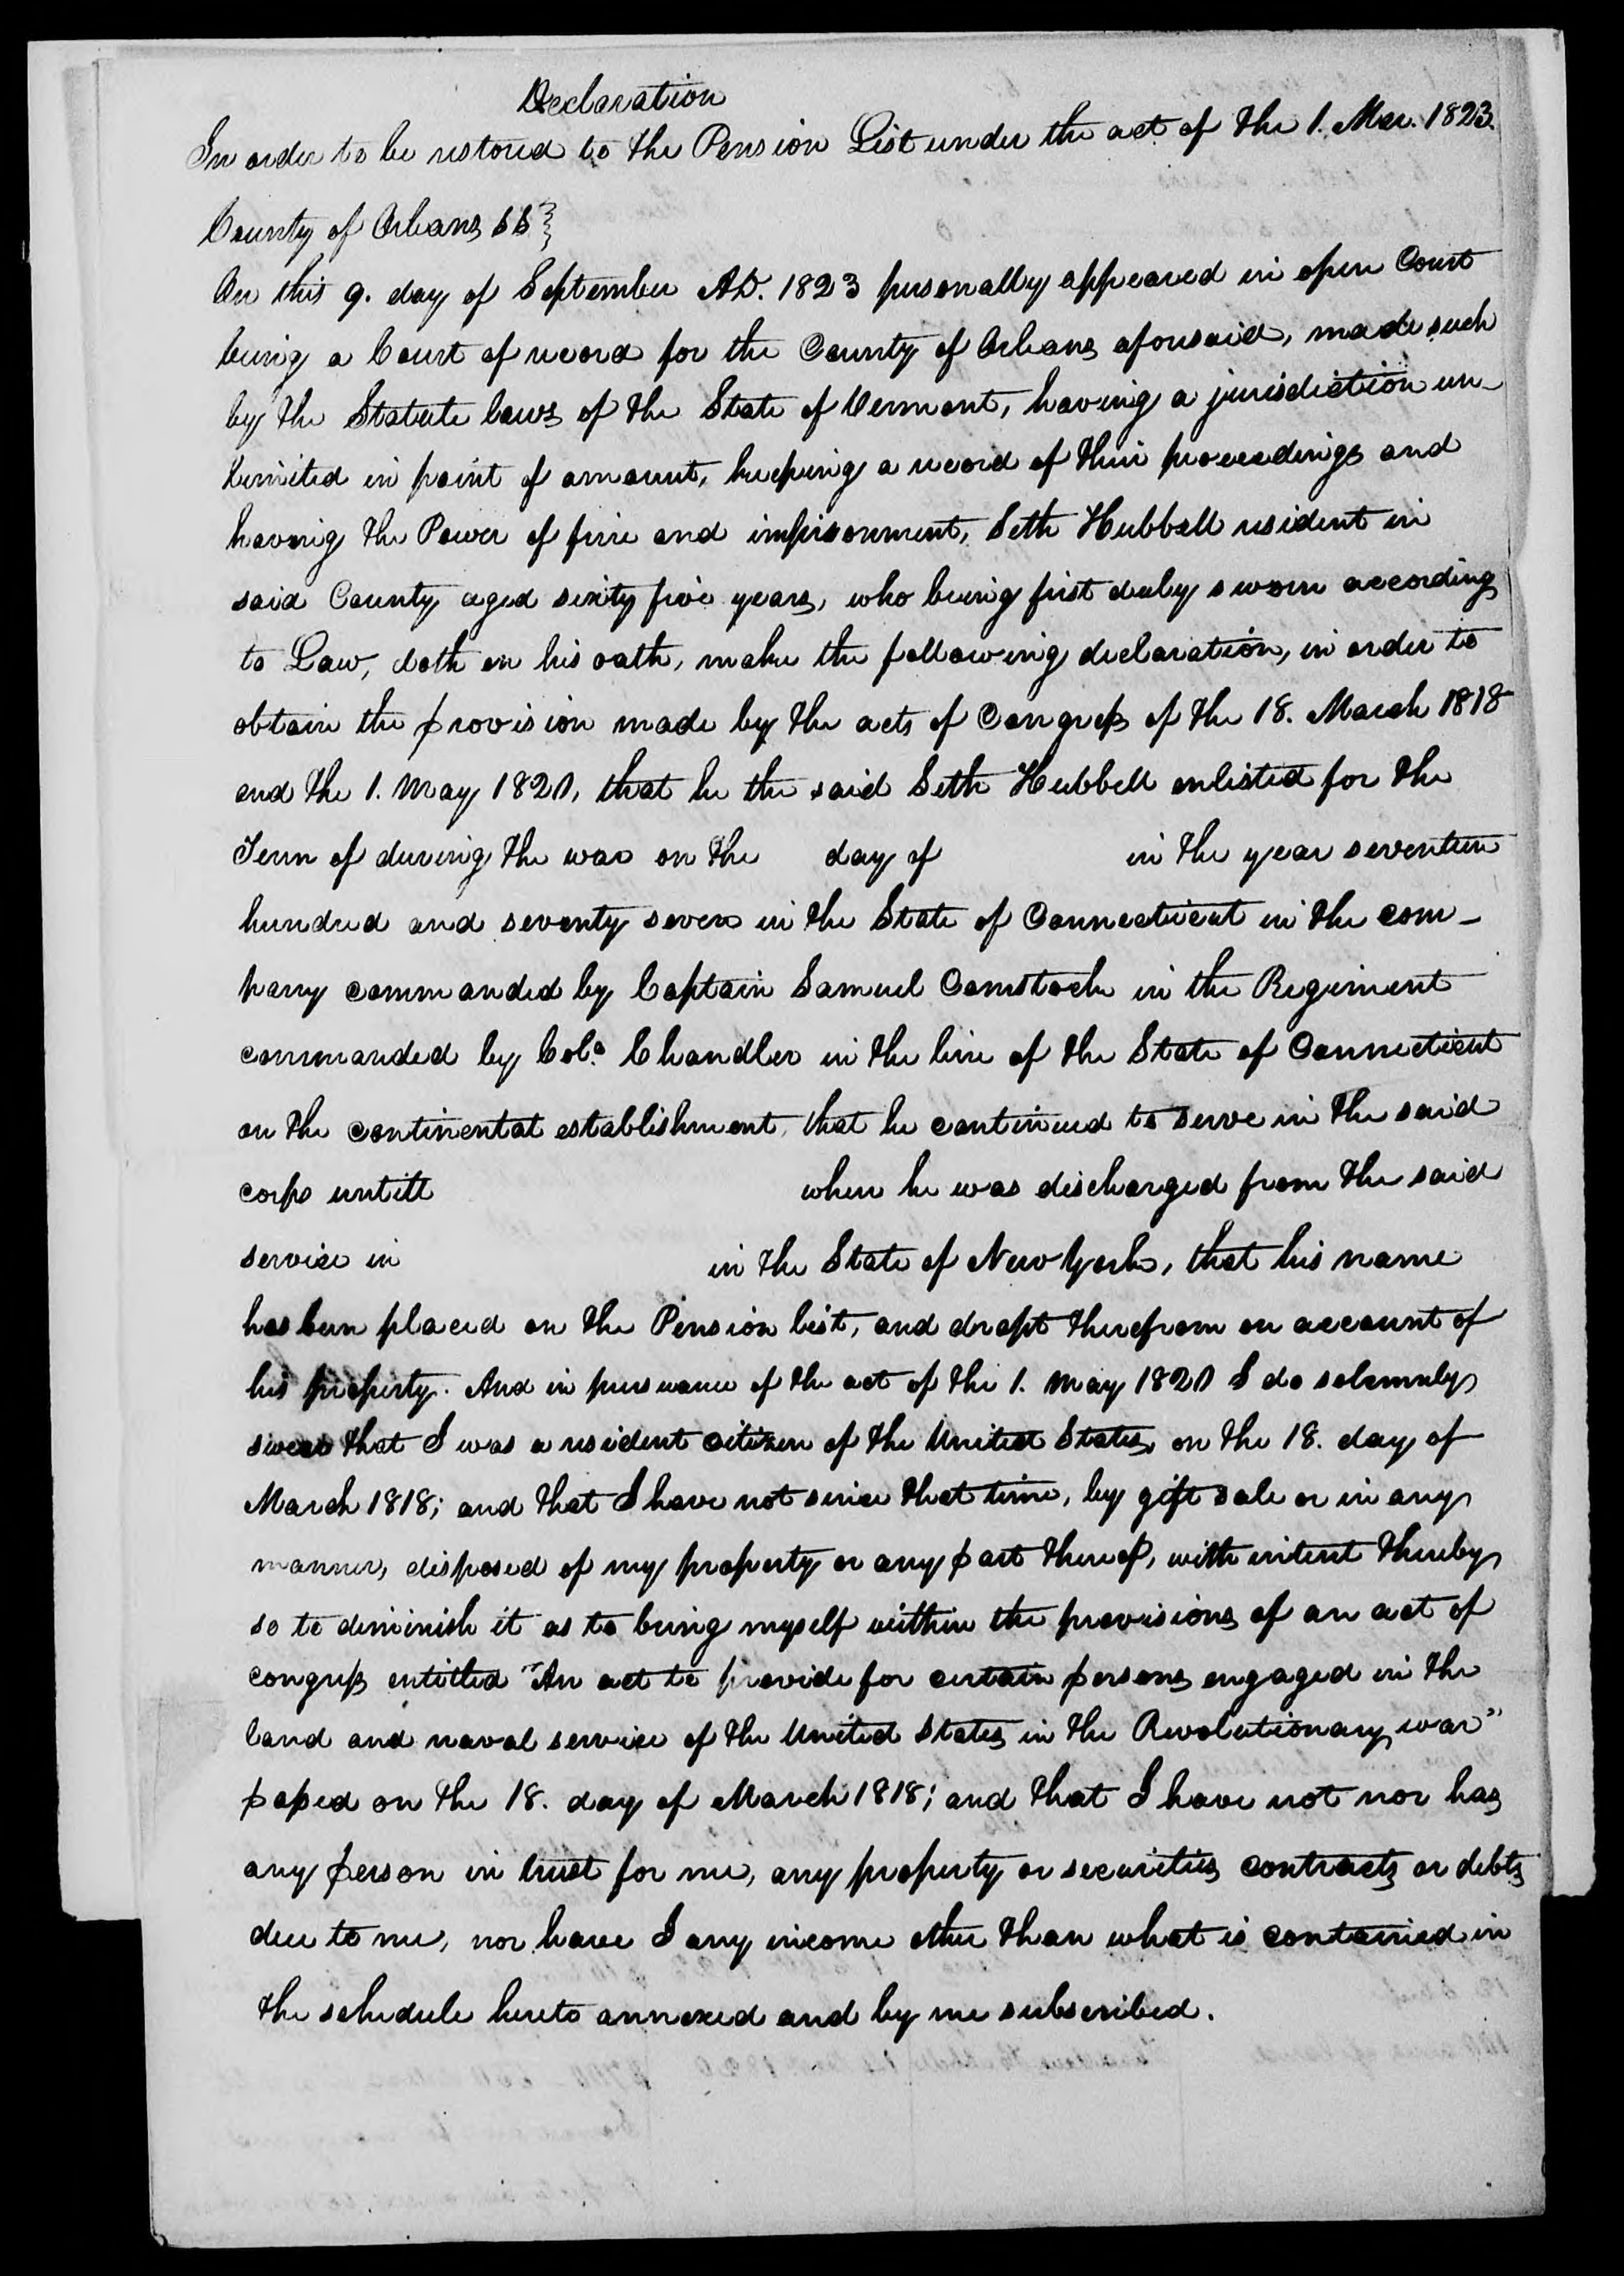Decaration
In order to be restored to the Pension List under the act of the 1 Mar 1823
County of Orleans, SS
On this 9 day of September AD. 1823 personally appeared in open Court being a Court of record for the County of Orleans aforesaid, made such by the Statute laws of the State of Vermont, having a jurisdiction unlimited in point of amount, keeping a record of this proceeding and having the Power of fine and imprisonment, Seth Hubbell resident in said County aged sixty five years, who being first duly sworn according to Law, both on his oath, makes the following declaration, in order to obtain the provision made by the acts of Congress of the 18 March 1818 and the 1 May 1820, that he the said Seth Hubbell enlisted for the Term of during the war on the ____ day of _____ in the year seventeen hundred and seventy seven in the State of Connecticut in the company commanded by Captain Samuel Comstock in the Regiment commanded by Col. Chandler in the line of the State of Connecticut on the continental establishment, that he continued to serve in the said corps until _____ when he was discharged from the said service in _____ in the State of New York, that his name has been placed on the Pension list, and draft therefrom on account of his property. And in pursuance of the act of the 1 May 1820 I do solemnly swear that I was a resident citizen of the United States, on the 18 day of March 1818; and that I have not since that time, by gift, sale or in any manner, disposed of my property or any part thereof, with intent thereby so to diminish it as to bring myself within the provisions of an act of congress entitled "In act to provide for certain persons engaged in the land and naval services of the United States in the Revoluntionary War" [illegible] on the 18 day of March 1818; and that I have not nor has any person in trust for me, any property or securities, contracts or debts due to me, nor have I any income other than what is contained in the schedue hereto annexed and by me subscribed.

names: Samuel Comstock, Seth Hubbell, Chandler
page: 46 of 114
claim: widow's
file: W. 2115, Seth Hubbell, Conn.